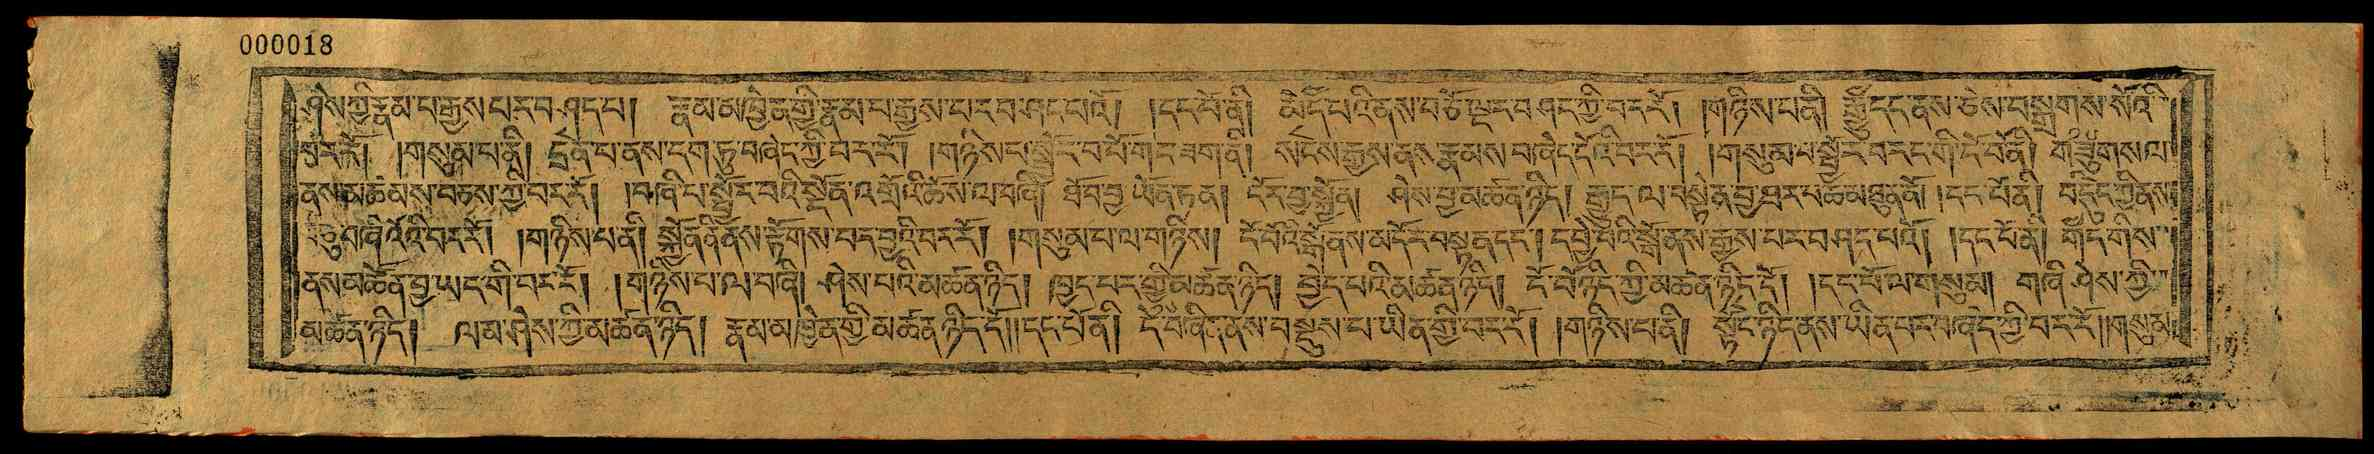ཤེས་ཀྱི་རྣམ་པ་རྒྱས་པར་བཤད་པ། རྣམ་མཁྱེན་གྱི་རྣམ་པ་རྒྱས་པར་བཤད་པའོ། །དང་པོ་ནི། མེད་པའི་ནས་བཅོ་ལྔར་བཤད་ཀྱི་བར་རོ། །གཉིས་པ་ནི་རྒྱུ་དང་ནས་ཅེས་བསྒྲགས་སོའི་
བར་རོ། །གསུམ་པ་ནི། དྲན་པ་ནས་དག་ཏུ་བཞེད་ཀྱི་བར་རོ། །གཉིས་པ་སྦྱོར་བ་པོ་གང་ཟག་ནི། སངས་རྒྱས་ནས་རྣམས་བཞེད་དོའི་བར་རོ། །གསུམ་པ་སྦྱོར་བ་རང་གི་ངོ་བོ་ནི། གཟུགས་ལ་
ནས་མཚམས་བཅས་ཀྱི་བར་རོ། །བཞི་པ་སྦྱོར་བའི་སྔོན་འགྲོའི་ཆོས་ལ་བཞི། ཐོབ་བྱ་ཡོན་ཏན། དོར་བྱ་སྐྱོན། ཤེས་བྱ་མཚད་ཉིད། རྒྱུད་ལ་བསྟེན་བྱ་ཐར་པ་ཆ་མཐུན་ནོ། །དང་པོ་ནི། བདུད་ཀྱི་ནས་
བཅུ་བཞི་འོའི་བར་རོ། །གཉིས་པ་ནི། སྐྱོན་ནི་ནས་རྟོགས་པར་བྱའི་བར་རོ། །གསུམ་པ་ལ་གཉིས། ངོ་བོའི་སྒོ་ནས་མདོར་བསྟན་དང་། དབྱེ་བའི་སྒོ་ནས་རྒྱས་པར་བཤད་པའོ། །དང་པོ་ནི། གང་གིས་
ནས་མཚོན་བྱ་ཡང་གི་བར་རོ། །གཉིས་པ་ལ་བཞི། ཤེས་པའི་མཚན་ཉིད། ཁྱད་པར་གྱི་མཚན་ཉིད། བྱེད་པའི་མཚན་ཉིད། ངོ་བོ་ཉིད་ཀྱི་མཚན་ཉིད་དོ། །དང་པོ་ལ་གསུམ། གཞི་ཤེས་ཀྱི་
མཚན་ཉིད། ལམ་ཤེས་ཀྱི་མཚན་ཉིད། རྣམ་མཁྱེན་གྱི་མཚད་ཉིད་དོ། །དང་པོ་ནི། དེ་བཞིན་ནས་བསྡུས་པ་ཡིན་གྱི་བར་རོ། །གཉིས་པ་ནི། སྟོང་ཉིད་ནས་ཡིན་པར་བཞེད་ཀྱི་བར་རོ། །གསུམ་